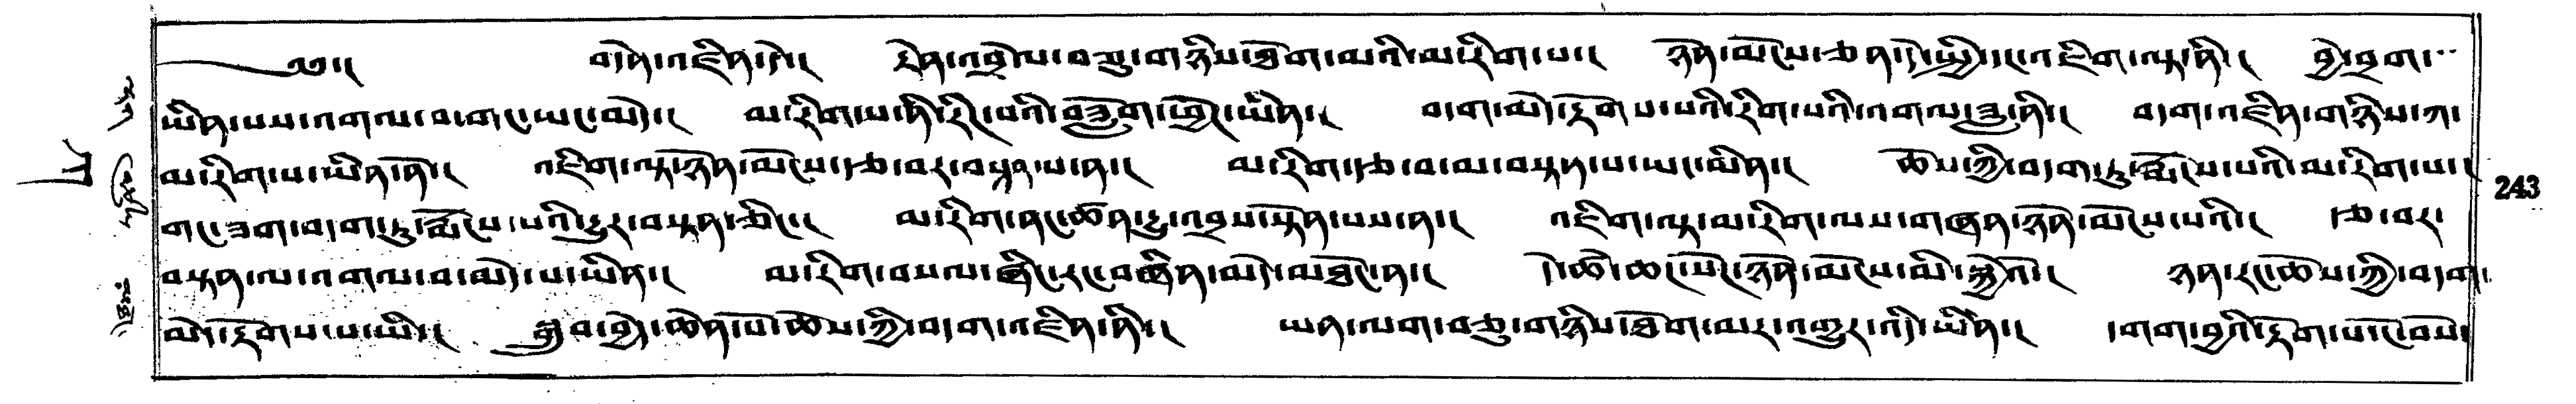བདེན་འཛིན་དེ། །རྟེན་འབྲེལ་བཅུ་གཉིས་ཐོག་མའི་མ་རིག་པ། །ཉོན་མོངས་ཅན་དེ་སྤྱི་དང་འཇིག་ལྟ་ནི། །བྱེ་བྲག་
ཡིན་པས་འགལ་བ་གང་ཡང་མེད། །མ་རིག་པ་ནི་རིག་པའི་ལྡོག་ཕྱོགས་ཡིན། །བདག་མེད་རྟོགས་པའི་རིག་པའི་འགལ་ཟླ་ནི། །བདག་འཛིན་གཉིས་ཀ་
མ་རིག་པ་ཡིན་ནོ། །འཇིག་ལྟ་ཉོན་མོངས་རྩ་བར་བསྟན་པ་ན། །མ་རིག་རྩ་བ་མ་བསྟན་པ་ཡང་མིན། །ཆོས་ཀྱི་བདག་ཏུ་རྨོངས་པའི་མ་རིག་པ། །
གང་ཟག་བདག་ཏུ་རྨོངས་པའི་རྒྱུར་བསྟན་ཅིང་། །མ་རིག་ནང་ཚན་རྒྱུ་འབྲས་སྟོན་པས་ན། །འཇིག་ལྟ་མ་རིག་ལས་གཞན་ཉོན་མོངས་པའི། །རྩ་བར་
བསྟན་ལ་འགལ་བ་མེད་པ་ཡིན། །མ་རིག་བསལ་ཞིང་རང་བཞིན་མེད་མཐོང་ན། །དེ་ཚེ་ཆགས་སོགས་ཉོན་མོངས་མི་སྐྱེའོ། །ཉན་རང་ཆོས་ཀྱི་བདག་
མེད་རྟོགས་པ་ཡི། །སྒྲུབ་བྱེད་ཆེན་པོ་ཆོས་ཀྱི་བདག་འཛིན་ནི། །ཡན་ལག་བཅུ་གཉིས་ཐོག་མར་འགྱུར་འདི་ཡིན། །དགག་བྱའི་རྟོག་པ་ངོ་བོས་